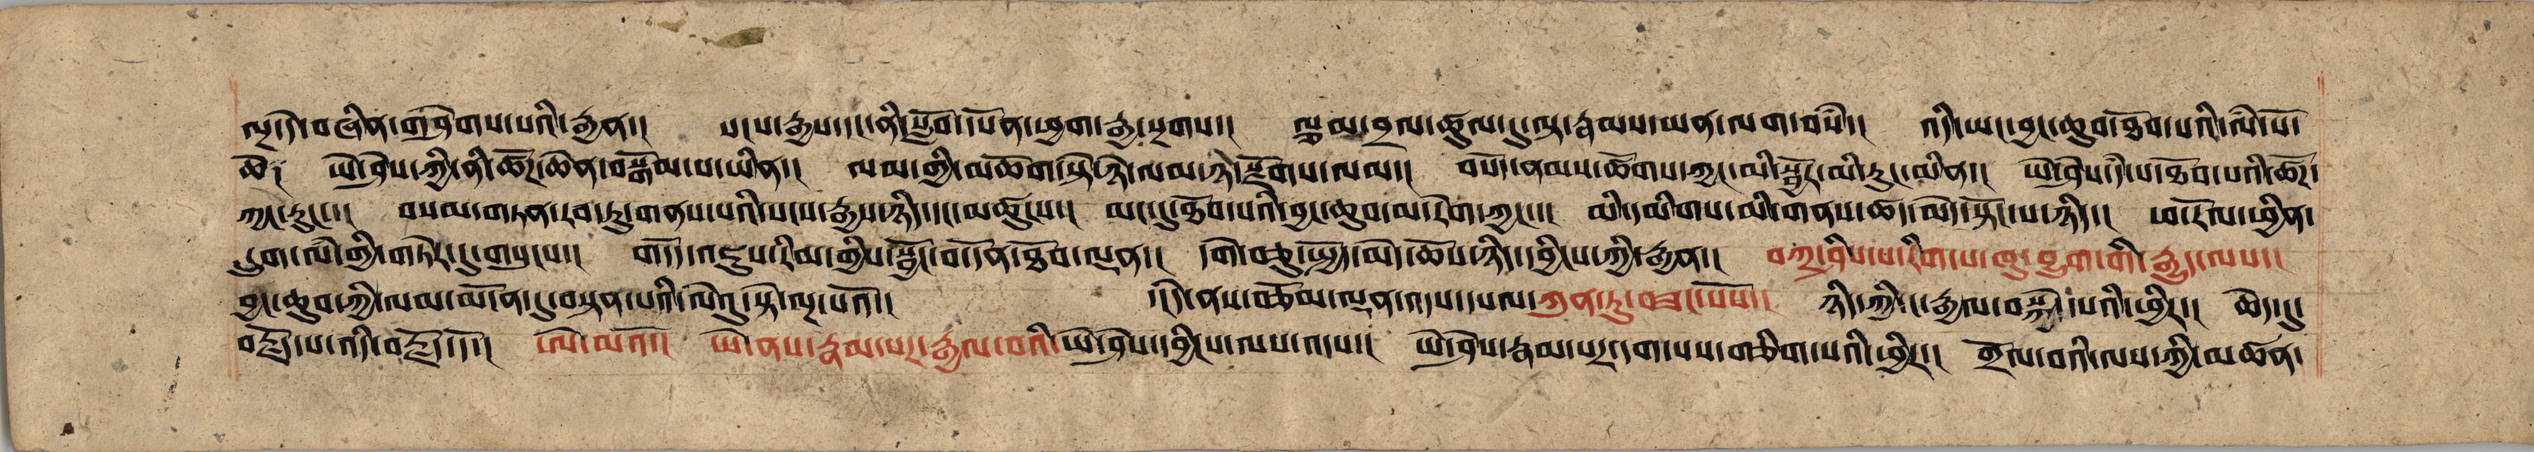ལྔ་དེ་བཞིན་གཤེགས་པའི་རྒྱན་། སངས་རྒྱས་དང་ནི་སློབ་དཔོན་ཕྱག་རྒྱ་སྔགས་། ལྕམ་བྲལ་ཚུལ་དུ་ལྟ་རྣམས་ཡན་ལག་བསཾ་། འདི་ཡང་བྱང་ཆུབ་ཐོབ་པའི་ལཾ་པོ་
ཆེᨐ ཡེ་ཤེས་ཀྱི་ནི་ཚོཌ་ཆེན་བསྒོམ་པ་ཡིན་། ལམ་གྱི་མཆོག་སྟེ་ཉེ་ལམ་ཉེ་སྫོགས་ལམ་། བསོད་ནམས་ཚོགས་ཀྱང་མི་སྦྱོར་མི་རུང་མིན་། ཡེ་ཤེས་དཾ་པ་ཐོབ་པའི་ཚོཌ་
ཀྱང་རུང་། བསམ་གཏན་རབ་ཏུ་གནས་པའི་སངས་རྒྱས་ཉིད་དང་མཚུངས་། མང་དུ་ཐོས་པའི་བྱང་ཆུབ་མ་རེག་ཀྱང་་། མི་དམིགས་མི་གནས་ཚད་མེད་སྟོང་པ་ཉིད་། ཕ་རོལ་ཕྱིན་
དྲུག་ལཾཾ་གྱི་གཏེར་དུ་གསུངས་། གདོད་འཇུས་རིམ་གྱིས་སྦྱོང་བ་དོན་ཐོབ་ལྡན་། དགེ་བཅུ་སྤྱོད་མེད་ཆོས་ཉིད་དབྱིངས་ཀྱི་རྒྱན་། བཀྲ་ཤིས་པ་རིག་པ་ཁུ་བྱུག་གི་རྒྱུད་ལས་།
བྱང་ཆུབ་ཀྱི་ལམ་མངོན་དུ་བསྟན་པའི་ལེའུ་སྟེ་ལྔ་པའོ་། དངདེ་ནས་བཅོམ་ལྡན་འདས་དཔལ་ཀུན་ཏུ་བཟང་པོས་། ཉིད་ཀྱི་ང་རྒྱལ་བསྐྱེད་པའི་ཕྱིར་། ཆེད་དུ་
བརྗོད་པ་འདི་བརྗོད་དོ་། ཨེ་མའོ་། ཡེ་ནས་རྣམ་པར་རྒྱལ་བའི་ཡེ་ཤེས་དབྱིངས་ལས་འདས་། ཡེ་ཤེས་རྣམ་པར་དག་པས་གཅིག་པའི་ཕྱིར་། གྲོལ་བའི་ལས་ཀྱི་མཚན་